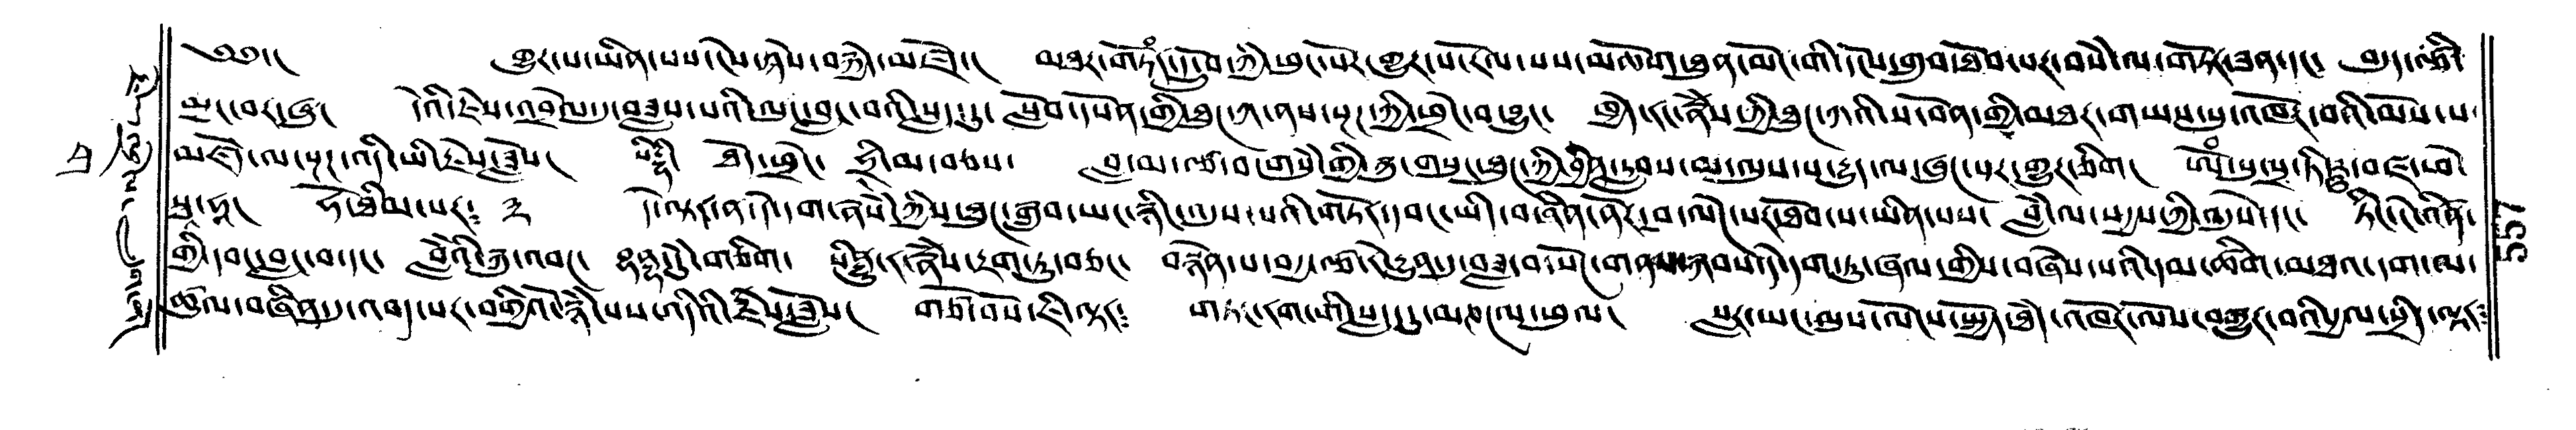གྱུར་པ་ཡིན་པས་ངེས་ཤེས་བསྐྱེད་མཛོད། མཐར་གཏོར་མ་དངོས་གྲུབ་ཀྱི་ཕུང་པོར་གྱུར་པ་རོལ་པས་མཆོག་ཐུན་མོང་གི་དངོས་གྲུབ་ཐོབ་པར་བསམ་ལ་གཏོར་ཟན་དང་བདུད་རྩི་
མྱང་བར་ཞུ། དེའི་རྗེས་འབྲེལ་དུ་བཟླས་པའི་ལུང་བླང་བའི་སླད་དུ། སློབ་དཔོན་གྱི་ཐུགས་ཀ་ནས་སྔགས་ཀྱི་ཕྲེང་བ་བྱུང་། ཁྱེད་རང་རྣམས་ཀྱི་ཐུགས་ཀའི་ས་བོན་གྱི་མཐར་གཡས་སུ་འཁོར་བའི་མོས་པ་
མཛོད་ལ་སྔགས་འདི་ཡི་རྗེས་ཟློས། སིདྡྷི༴ ཐོད་ཕྲེང༴ ཧྲི་མ༴བཅས། བླ་མ་རྩ་བ་གསུམ་གྱི་སྐུ་གསུང་ཐུགས་ཀྱི་བྱིན་རླབས་མ་ལུས་པ་རྒྱུད་ལ་ཞུགས་པར་གྱུར་ཅིག ཨོཾ་སུ་པྲ་ཏིཥྛ་བཛྲ་ཡེ་
སྭ་ཧཱ། ཧོཿཐིམ་པར༴ ལན་གསུམ། དེ་ལྟར་ན་དེ་དག་རྣམས་ཀྱིས་ཐུགས་སྒྲུབ་ཡང་སྙིང་འདུས་པའི་གཏོར་དབང་ཡིད་བཞིན་ནོར་བུ་ལེགས་པར་ཐོབ་པ་ཡིན་པས། བླ་མ་ལ་སངས་རྒྱས་ཀྱི་འདུ་ཤེས་དང་། ཏིང་ངེ་འཛིན་
གྱི་དབང་བླང་བ་དང་། བླ་མའི་སྐུ་འབག བྷནྡྷ་དུམ་གཅིག སིནྡྷུ་ར་རྣམས་རྟག་ཏུ་བཅང་། བསྙེན་པ་བརྒྱ་རྩ་རེ་རྒྱུན་དུ་བཟླ་བ་སོགས་གནས་སྐབས་དེ་དག་ཏུ་ཞལ་གྱིས་བཞེས་པའི་དམ་ཚིག་མཐའ་དག་ལ་
ཚུལ་བཞིན་དུ་འབད་པར་བགྱིའོ་སྙམ་པས་འདིའི་རྗེས་ཟློས། གཙོ་བོས་ཇི་ལྟར༴ གཏང་རག་གི་སླད་དུ་མཎྜལ་ཕུལ། སླར་ཡང་ལུས་ལོངས་སྤྱོད་ཐམས་ཅད་འཁོར་ལོས་བསྒྱུར་བའི་རྒྱལ་སྲིད་ལྟར༴